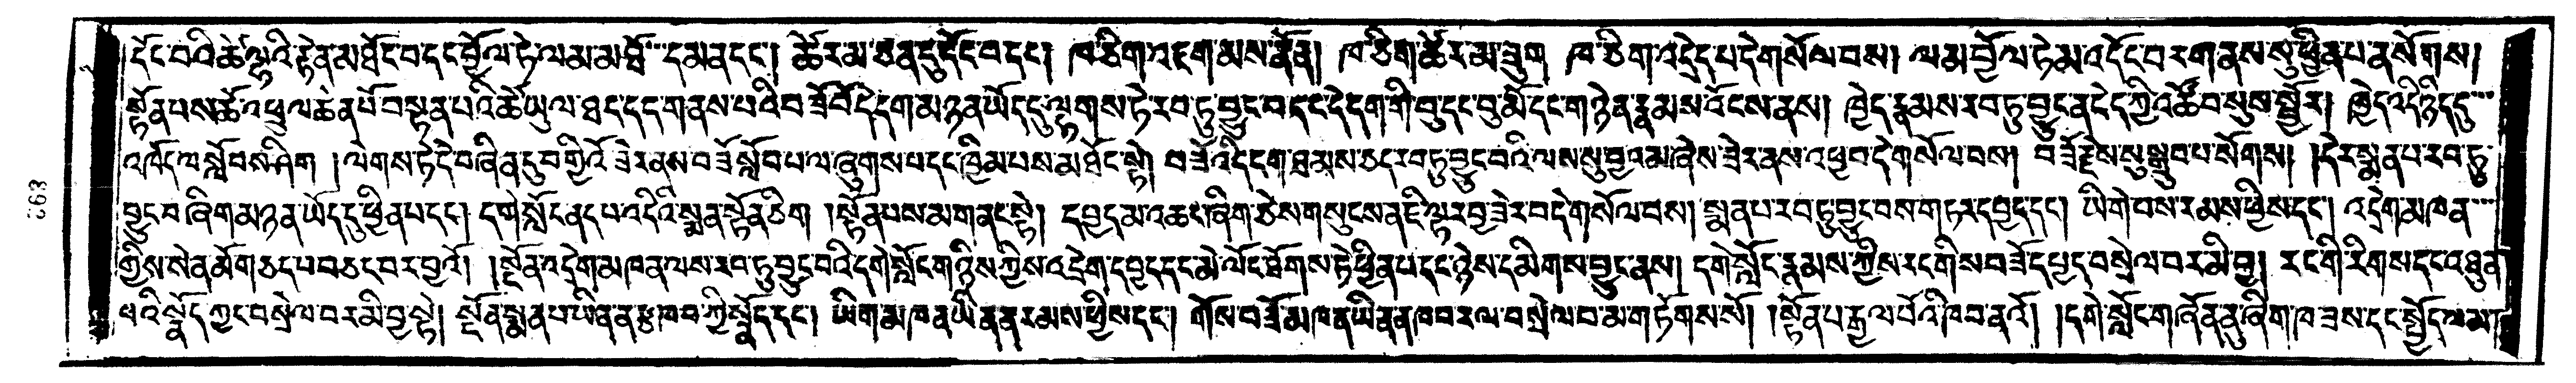དོང་བའི་ཚེ་ལྷའི་རྟེན་མཐོང་བ་དང་བྱོལ་ཏེ་ལམ་མཐོ་དམན་དང་། ཚེར་མ་ཅན་དུ་དོང་བ་དང་། ཁ་ཅིག་འཇག་མས་ནོན། ཁ་ཅིག་ཚེར་མ་ཟུག་ཁ་ཅིག་འདྲེད་པ་དེ་གསོལ་བས། ལམ་བྱོལ་ཏེ་མ་འདོང་བར་གནས་སུ་ཕྱིན་པ་ན་སོགས།
སྟོན་པས་ཆོ་འཕྲུལ་ཆེན་པོ་བསྟན་པའི་ཚེ་ཡུལ་ཐད་དད་གནས་པའི་བཟོ་བོ་དེ་དག་མཉན་ཡོད་དུ་ལྷགས་ཏེ་རབ་ཏུ་བྱུང་བ་དང་དེ་དག་གི་བུ་དང་བུ་མོ་དང་གཉེན་རྣམས་འོངས་ནས། ཁྱེད་རྣམས་རབ་ཏུ་བྱུང་ན་ངེད་ཀྱི་འཚོ་བ་སུས་སྦྱོར། ཁྱེད་འདི་ཉིད་དུ་
འཁོད་ལ་སློབས་ཤིག །ལེགས་ཏེ་དེ་བཞིན་དུ་བགྱིའོ་ཟེར་ནས་བཟོ་སློབ་པ་ལ་ཞུགས་པ་དང་ཁྱིམ་པས་མཐོང་སྟེ། བཟོ་འདི་དག་ཐམས་ཅད་རབ་ཏུ་བྱུང་བའི་ལས་སུ་བྱའམ་ཞེས་ཟེར་ནས་འཕྱ་བ་དེ་གསོལ་བས། བཟོ་རྗེས་སུ་སྒྲུབ་པ་སོགས། །དེར་སྨན་པ་རབ་ཏུ་
བྱུང་བཞིག་མཉན་ཡོད་དུ་ཕྱིན་པ་དང་། དགེ་སློང་ནད་པ་འདིའི་སྨན་སྟོན་ཅིག །སྟོན་པས་མ་གནང་སྟེ། དབྱད་མ་འཆང་ཞིག་ཅེས་གསུངས་ན་ཇི་ལྟར་བྱ་ཟེར་བདེ་གསོལ་བས། སྨན་པ་རབ་ཏུ་བྱུང་བས་གཏར་དབྱད་དང་། ཡི་གེ་པས་རྣམས་ཕྱིས་དང་། འདྲེག་མཁན་
གྱིས་སེན་མོ་གཅད་པ་བཅང་བར་བྱའོ། །སྔོན་འདྲེག་མཁན་ལས་རབ་ཏུ་བྱུང་བའི་དགེ་སློང་གཉིས་ཀྱིས་འདྲེག་དབྱད་དང་མེ་ལོང་ཐོགས་ཏེ་ཕྱིན་པ་དང་ཉེས་དམིགས་བྱུང་ནས། དགེ་སློང་རྣམས་ཀྱིས་རང་གིས་བཟོ་དཔྱད་བསྲེལ་བར་མི་བྱ། རང་གི་རིགས་དང་འཐུན་
པའི་སྣོད་ཀྱང་བསྲེལ་བར་མི་བྱ་སྟེ། སྔོན་སྨན་པ་ཡིན་ན་རྩ་ཁབ་ཀྱི་སྣོད་དང་། ཡིག་མཁན་ཡིན་ན་རྣམས་ཕྱིས་དང་། གོས་བཟོ་མཁན་ཡིན་ན་ཁབ་རལ་བསྲེལ་བ་མ་གཏོགས་སོ། །སྟོན་པ་རྒྱལ་པོའི་ཁབ་ནའོ། །དགེ་སློང་གཞོན་ནུ་ཞིག་ཁ་ཟས་དང་སྤྱོད་ལམ་